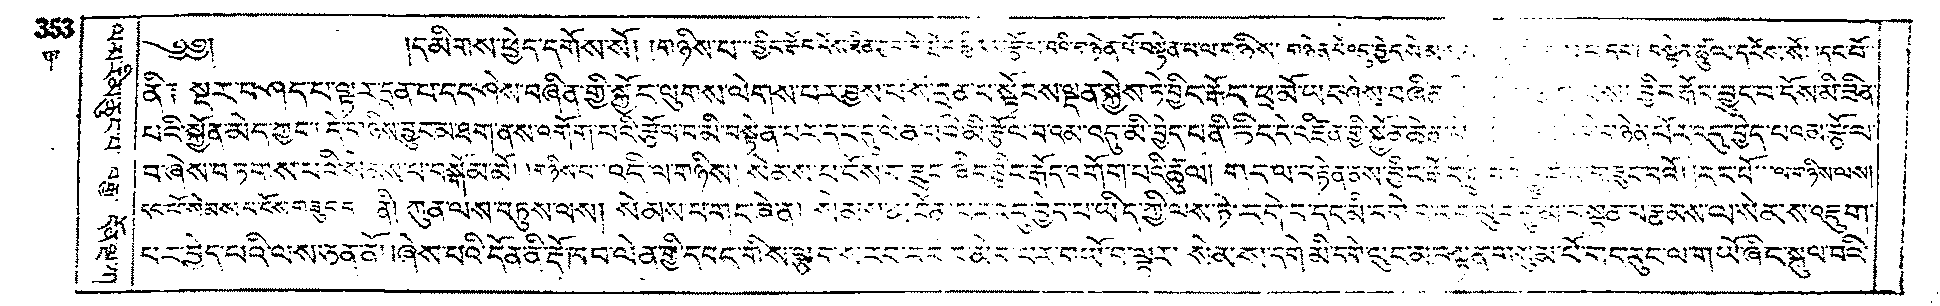༄༅། །དམིགས་ཕྱེད་དགོས་སོ། །གཉིས་པབྱིང་རྒོད་ངོས་ཟིན་ཀྱང་དེ་སྤོང་ཕྱིར་མི་རྩོལ་བའི་གཉེན་པོ་བསྟེན་པ་ལ་གཉིས། གཉེན་པོ་འདུ་བྱེད་སེམས་པ་བསྟེན་དགོས་པ་དང་། བསྟེན་ཚུལ་དངོས་སོ། །དང་པོ
ནི༑ སྔར་བཤད་པ་ལྟར་དྲན་པ་དང་ཤེས་བཞིན་གྱི་སྐྱོང་ལུགས་ལེགས་པར་བྱས་པས་དྲན་པ་སྟོབས་ལྡན་སྐྱེས་ཏེ་བྱིང་རྒོད་ཕྲ་མོ་ཡང་ཤེས་བཞིན་གྱིས་རིག་ནུས་པས། བྱིང་རྒོད་བྱུང་བ་ངོས་མི་ཟིན་
པའི་སྐྱོན་མེད་ཀྱང་། དེ་གཉིས་བྱུང་མ་ཐག་ནས་འགོག་པའི་རྩོལ་བ་མི་བསྟེན་པར་དང་དུ་ལེན་པའི་མི་རྩོལ་བའམ་འདུ་མི་བྱེད་པ་ནི་ཏིང་ངེ་འཛིན་གྱི་སྐྱོན་ཆེན་པོ་ཡིན་པས་དེའི་གཉེན་པོར་འདུ་བྱེད་པའམ་རྩོལ་
བ་ཞེས་བཏགས་པའི་སེམས་པ་བསྒོམ་མོ། །གཉིས་པ་འདི་ལ་གཉིས། སེམས་པ་ངོས་གཟུང་ཞིང་བྱིང་རྒོད་འགོག་པའི་ཚུལ། གང་ལ་བརྟེན་ནས་བྱིང་རྒོད་སྐྱེ་བའི་རྒྱུ་ངོས་གཟུང་བའོ། །དང་པོལ་གཉིས་ལས།
དང་པོ་སེམས་པ་ངོས་གཟུང་བ་ནི། ཀུན་ལས་བཏུས་ལས། སེམས་པ་གང་ཞེ་ན། སེམས་མངོན་པར་འདུ་བྱེད་པ་ཡིད་ཀྱི་ལས་ཏེ་དགེ་བ་དང་མི་དགེ་བ་དང་ལུང་དུ་མ་བསྟན་པ་རྣམས་ལ་སེམས་འཇུག་
པར་བྱེད་པའི་ལས་ཅན་ནོ། །ཞེས་པའི་དོན་ནི་རྡོ་ཁབ་ལེན་གྱི་དབང་གིས་ལྕགས་རང་དབང་མེད་པར་གཡོ་བ་ལྟར། སེམས་དགེ་མི་དགེ་ལུང་མ་བསྟན་གསུམ་པོ་གང་རུང་ལ་གཡོ་ཞིང་སྐུལ་བའི་